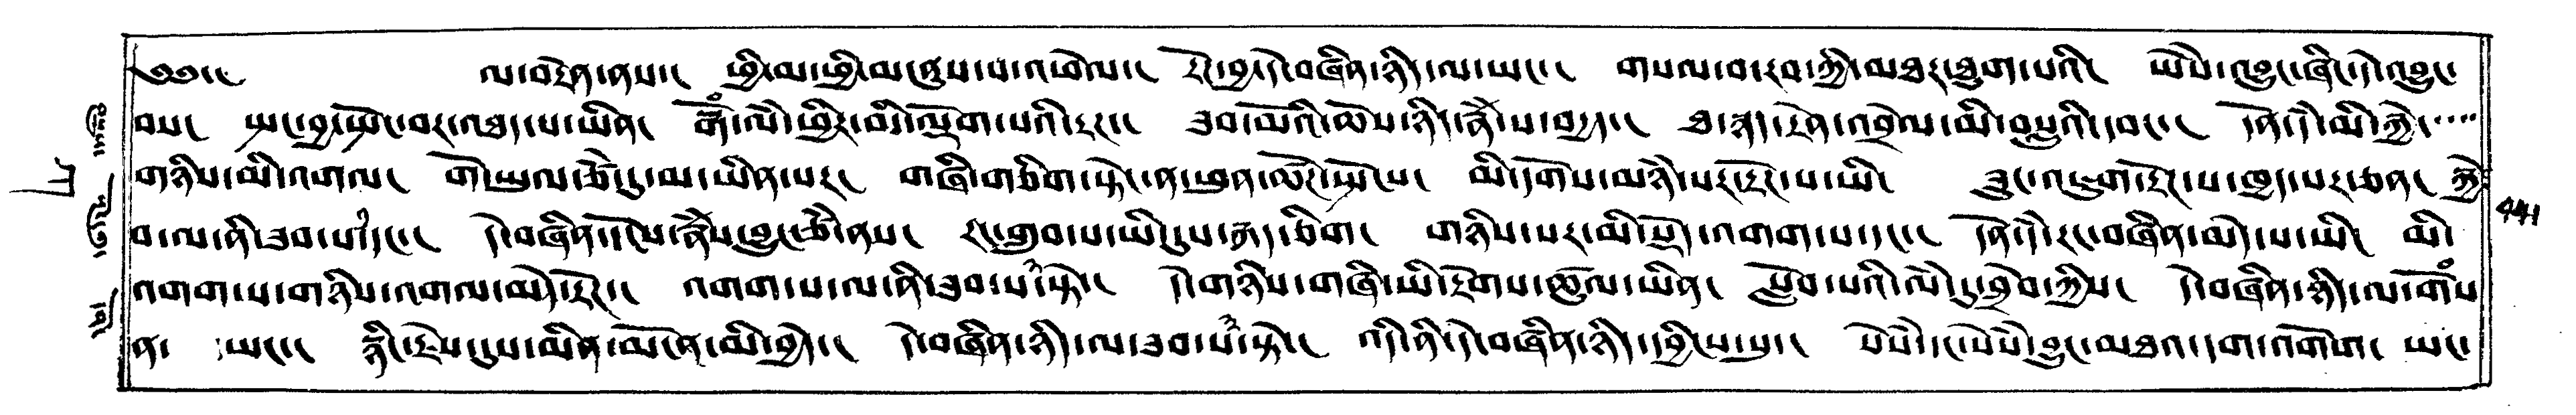ལ་བརྟེན་ནས། །ཕྱི་མ་ཕྱི་མ་ནུས་པ་འཕེལ། །རྟོགས་བྱ་དེ་བཞིན་ཉིད་ལ་ཡང་། །གསལ་བ་རབ་ཀྱི་མཐར་ཐུག་པའི། །ཡེ་ཤེས་འབྱུང་ཞིང་དེ་འབྱུང་
བས། །སྤང་བྱ་སྤོང་བར་འཐད་པ་ཡིན། །སྒོམ་ལམ་ཕྱིར་མི་ལྡོག་པའི་རྟགས། །ཟབ་མོའི་ཆོས་ཉིད་རྣམ་པ་བརྒྱད། །ཐ་སྙད་རྟེན་འབྲེལ་མི་བསླུའི་དབང་། །དོན་དམ་མི་སྐྱེ་
གཉིས་མི་འགལ། །གོ་ཡུལ་ཙམ་དུ་མ་ཡིན་པར། །གཞི་གཅིག་སྟེང་ན་ཕུན་ཚོགས་སྤོང། །མི་དགོས་མཉམ་པར་རྟོགས་པ་ཡི། །ཟུང་འཇུག་རྟོགས་པ་ཁྱད་པར་ཅན། །སྐྱེ་
བ་ལ་ནི་ཟབ་པ་དང་། །དེ་བཞིན་དངོས་རྣམས་བྱུང་ཙམ་ནས། །རང་གྲུབ་པ་ཡི་དུས་སྐད་ཅིག །གཉིས་པར་མི་སྡོད་འགག་པ་དང་། །དོན་དམ་རང་བཞིན་མེད་པ་ཡི། །མི་
འགག་པ་གཉིས་འགལ་མེད་རྟོགས། །འགག་པ་ལ་ནི་ཟབ་པ་སྟེ། །དེ་གཉིས་གཞི་ཡི་རྟོགས་ཚུལ་ཡིན། །སློབ་པའི་ལམ་དུ་ཤེས་རབ་ཀྱིས། །དེ་བཞིན་ཉིད་ལ་གོམས་
ན་ཡང་། །སྙིང་རྗེས་དུས་མིན་མངོན་མི་བྱེད། །དེ་བཞིན་ཉིད་ལ་ཟབ་པ་སྟེ། །འདི་ནི་དེ་བཞིན་ཉིད་དབྱིངས་སུ། །སེམས་དང་སེམས་བྱུང་མཐའ་དག་འགོག །ཡང་